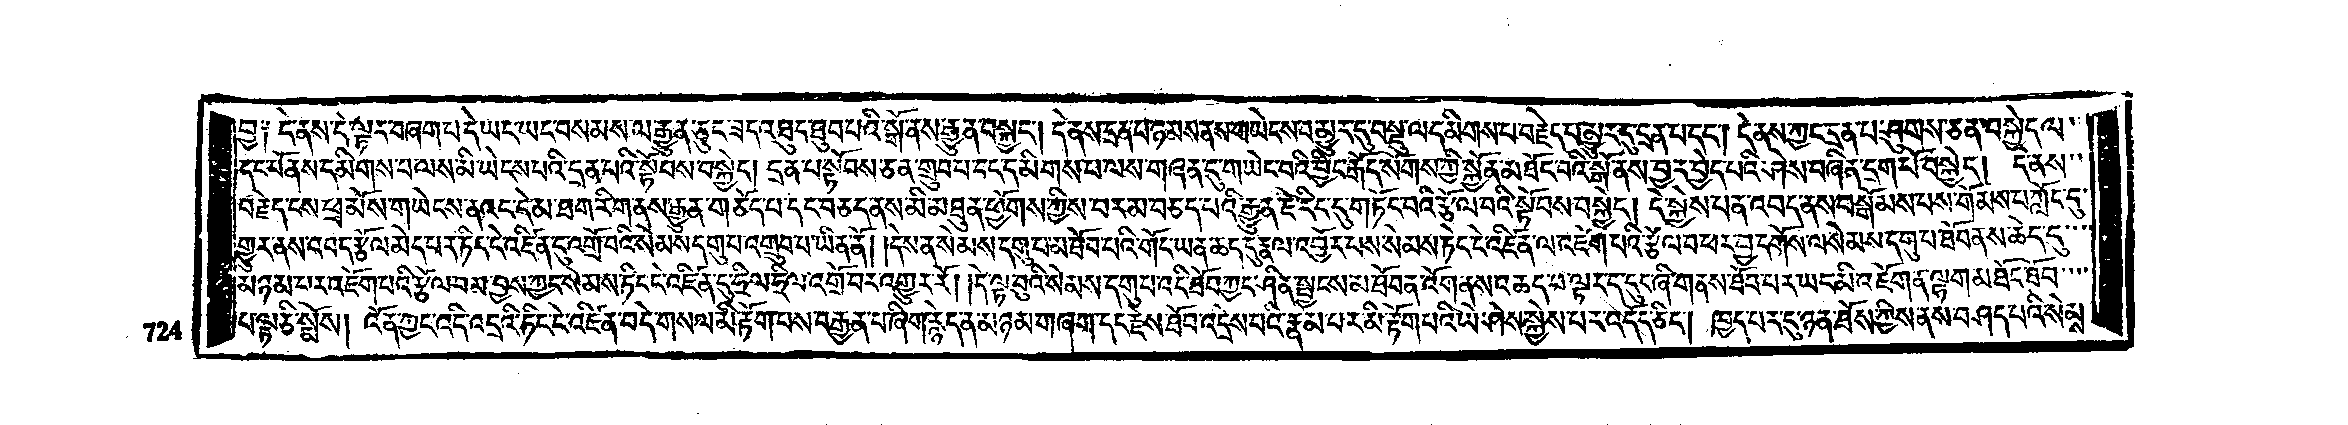བྱ༑ དེ་ནས་དེ་ལྟར་བཞག་པ་དེ་ཡང་ཡང་བསམས་ལ་རྒྱུན་ཅུང་ཟད་འཐུད་ཐུབ་པའི་སྒོ་ནས་རྒྱུན་བསྐྱང་། དེ་ནས་དྲན་པ་ཉམས་ནས་གཡེངས་ན་མྱུར་དུ་བསྡུ་ལ་དམིགས་པ་བརྗེད་པ་མྱུར་དུ་དྲན་པ་དང་། དེ་ནས་ཀྱང་དྲན་པ་ཤུགས་ཅན་བསྐྱེད་ལ་
དང་པོ་ནས་དམིགས་པ་ལས་མི་ཡེངས་པའི་དྲན་པའི་སྟོབས་བསྐྱེད། དྲན་པ་སྟོབས་ཅན་གྲུབ་པ་དང་དམིགས་པ་ལས་གཞན་དུ་གཡེང་བའི་བྱིང་རྒོད་སོགས་ཀྱི་སྐྱོན་མཐོང་བའི་སྒོ་ནས་བྱ་ར་བྱེད་པའི་ཤེས་བཞིན་དྲག་པོ་བསྐྱེད། དེ་ནས་
བརྗེད་ངས་ཕྲ་མོས་གཡེངས་ནའང་དེ་མ་ཐག་རིག་ནས་རྒྱུན་གཅོད་པ་དང་བཅད་ནས་མི་མཐུན་ཕྱོགས་ཀྱིས་བར་མ་བཅད་པའི་རྒྱུན་ཇེ་རིང་དུ་གཏོང་བའི་རྩོལ་བའི་སྟོབས་བསྐྱེད། དེ་སྐྱེས་པ་ན་འབད་ནས་བསྒོམས་པས་གོམས་པ་ཀློང་དུ་
གྱུར་ནས་འབད་རྩོལ་མེད་པར་ཏིང་ངེ་འཛིན་དུ་འགྲོ་བའི་སེམས་དགུ་པ་འགྲུབ་པ་ཡིན་ནོ། །དེས་ན་སེམས་དགུ་པ་མ་ཐོབ་པའི་གོང་ཡན་ཆད་དུ་རྣལ་འབྱོར་པས་སེམས་ཏིང་ངེ་འཛིན་ལ་འཇོག་པའི་རྩོལ་བ་ཕར་བྱ་དགོས་ལ་སེམས་དགུ་པ་ཐོབ་ནས་ཆེད་དུ་
མཉམ་པར་འཇོག་པའི་རྩོལ་བ་མ་བྱས་ཀྱང་སེམས་ཏིང་ངེ་འཛིན་དུ་ཧྲིལ་ཧྲིལ་འགྲོ་བར་འགྱུར་རོ། །དེ་ལྟ་བུའི་སེམས་དགུ་པ་འདི་ཐོབ་ཀྱང་ཤིན་སྦྱངས་མ་ཐོབ་ན་འོག་ནས་འཆད་པ་ལྟར་ད་དུང་ཞི་གནས་ཐོབ་པར་ཡང་མི་འཇོག་ན་ལྷག་མཐོང་ཐོབ་
པ་ལྟ་ཅི་སྨོས། འོན་ཀྱང་འདི་འདྲའི་ཏིང་ངེ་འཛིན་བདེ་གསལ་མི་རྟོག་པས་བརྒྱན་པ་ཞིག་རྙེད་ན་མཉམ་གཞག་དང་རྗེས་ཐོབ་འདྲེས་པའི་རྣམ་པར་མི་རྟོག་པའི་ཡེ་ཤེས་སྐྱེས་པར་འདོད་ཅིང་། ཁྱད་པར་དུ་ཉན་ཐོས་ཀྱིས་ནས་བཤད་པའི་སེམས་